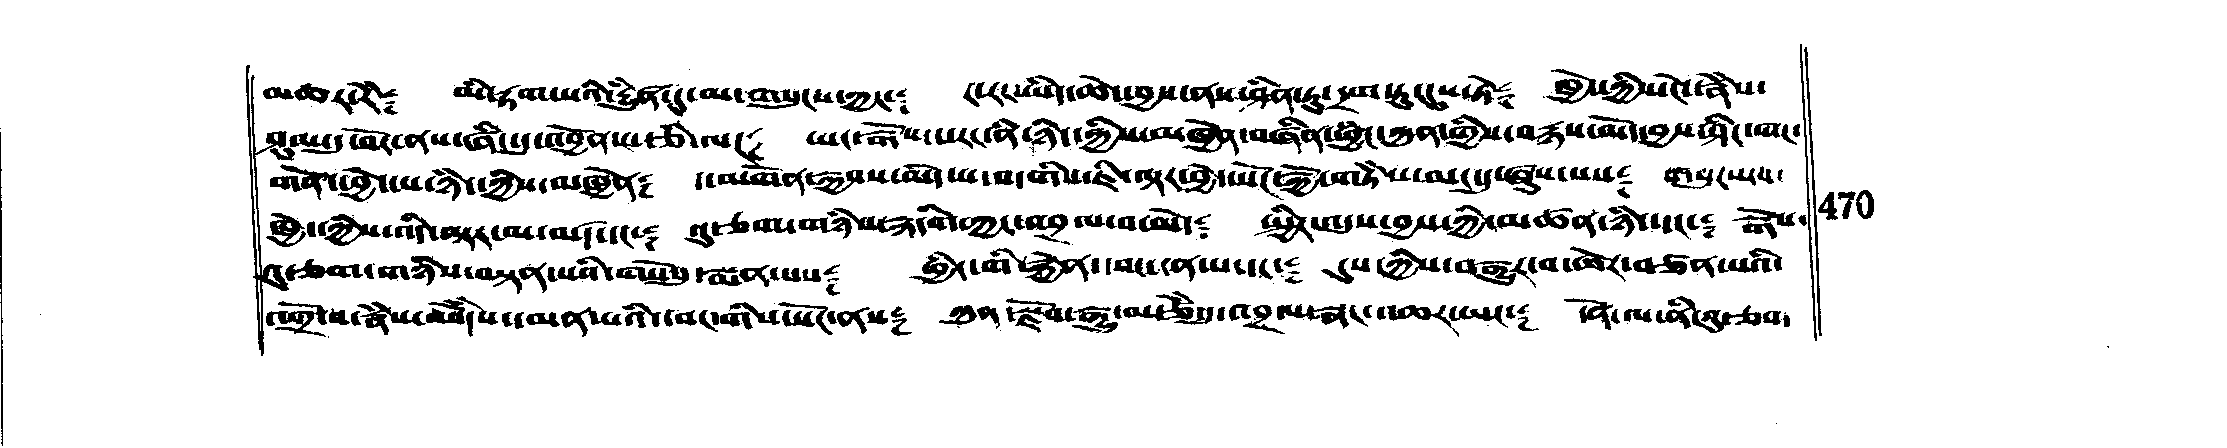མཚར་རམ། མི་རྟག་པའི་རྒྱུ་མཚན་དུ་མ་གསུངས་ཀྱང་། ང་རང་ཡིད་ཆད་བྱས་ནས་ཤིན་ཏུ་དྲག་ཏུ་ངུས་ཏེ། ཁྱེད་ཀྱི་ངེད་རྣམས་
ཤུལ་ཏུ་བོར་ནས་ཞིང་དུ་འབྱོན་པ་ཅི་ལགས། ཡང་སྒོས་ང་རང་ནི་ཉིད་ཀྱིས་མཁྱེན་བཞིན་ཕྱི་ནང་ཀུན་གྱིས་བརྙས་དམོད་བྱས་ཤིང་གང་
གནོད་བྱེད་པ་ཉིད་ཀྱིས་མཁྱེན། ད་མགོན་སྐྱབས་མེད་པ་བདག་གིས་ཇི་ལྟར་བྱེད་སོགས་སྐྱོ་གཏམ་མང་དུ་ཞུས་པས། གསུངས་པ་
ཁྱེད་ཀྱིས་འདི་ལྟར་མ་མཛད་དང་། འུ་ཅག་གཉིས་སྐད་ཅིག་ཀྱང་འབྲལ་བ་མེད། སྤྱིར་འདུས་བྱས་ཀྱི་མཚན་ཉིད་དང་། སྒོས་
རང་ཅག་གཉིས་བསྟན་པའི་གསོས་སུ་སྨན་པས། ཁྱེད་གི་རྐྱེན་དབང་ངན་པ་དང་། དུས་ཀྱིས་འགྱུར་བ་ཆེར་བཙན་པའི་
འགྲོ་བ་རྣམས་བསོད་ནམས་དམན་པའི་དབང་གིས་སོང་ནས།ཀུན་རྫོབ་སྒྱུ་མ་ཙམ་དུ་འབྲལ་སྣང་འཆར་ཡང་། དོན་ལ་ནི་འུ་ཅག་